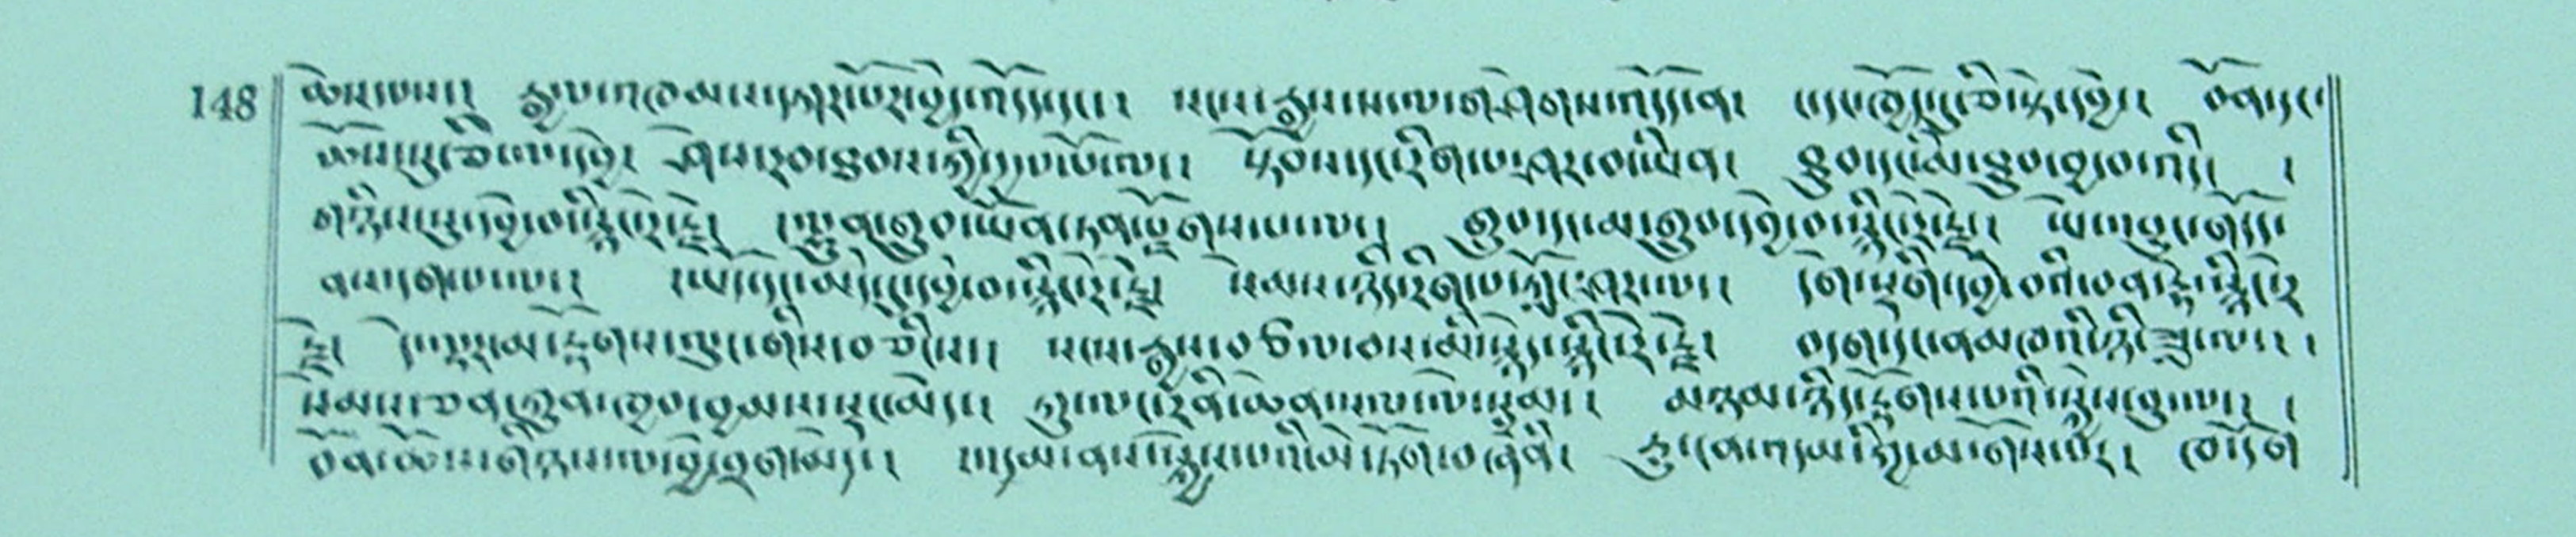ཆེས་པས། རྒྱལ་ཁམས་དཀར་པོར་བྱེད་འདོད་དང་། སངས་རྒྱས་ས་ལ་གཤེགས་འདོད་དང་། ང་དང་ཁྱོད་དུ་ཅི་སྟེ་དབྱེ། བོན་དང་
ཆོས་སུ་ཅི་ལ་དབྱེ། ཤེས་རབ་ཐབས་ཀྱི་རྒྱལ་བོ་ལ། སྟོབས་དང་རིག་པ་ཤར་བ་ཡིན། ཐུབ་དང་མི་ཐུབ་བྱ་བ་འདི། 
གཉིས་སུ་དབྱེ་བ་སྙིང་རེ་རྗེ། ལྷུན་གྲུབ་ཡོན་ཏན་རྫོགས་པ་ལ། གྲུབ་དང་མ་གྲུབ་དབྱེ་བ་སྙིང་རེ་རྗེ། ཡེ་འབྱུང་གདོད་
ནས་དག་པ་ལ། ཡོད་དང་མེད་དུ་དབྱེ་བ་སྙིང་རེ་རྗེ། སེམས་ཉིད་རིག་པ་ཀློང་ཤར་ལ། དགེ་སྡིག་དབྱེ་བའི་་བན་དྷེ་སྙིང་རེ་
རྗེ། དེ་ལྟར་མ་རྟོགས་ལུང་གིས་བཅིངས། སངས་རྒྱས་བཙལ་བས་མི་སྙེད་སྙིང་རེ་རྗེ། བདག་དང་ནམ་མཁའི་ཉི་ཟླ་ལ། 
སེམས་ཅན་ཀུན་ཁྱབ་བྱམས་སྡང་མེད། ཀུ་ལང་རིན་ཆེན་སལ་ལེ་སྦྲམ། མཉམ་ཉིད་རྟོགས་པའི་སྐྱེས་བུ་ལ།
བོན་ཆོས་གཉིས་ལ་བྱེ་བྲག་མེད། འདམ་ནས་སྐྱེས་པའི་མེ་ཏོག་བཞིན། རྒྱུ་ངན་འདམ་གྱིས་མ་གོས་པར། ཁ་དོག་